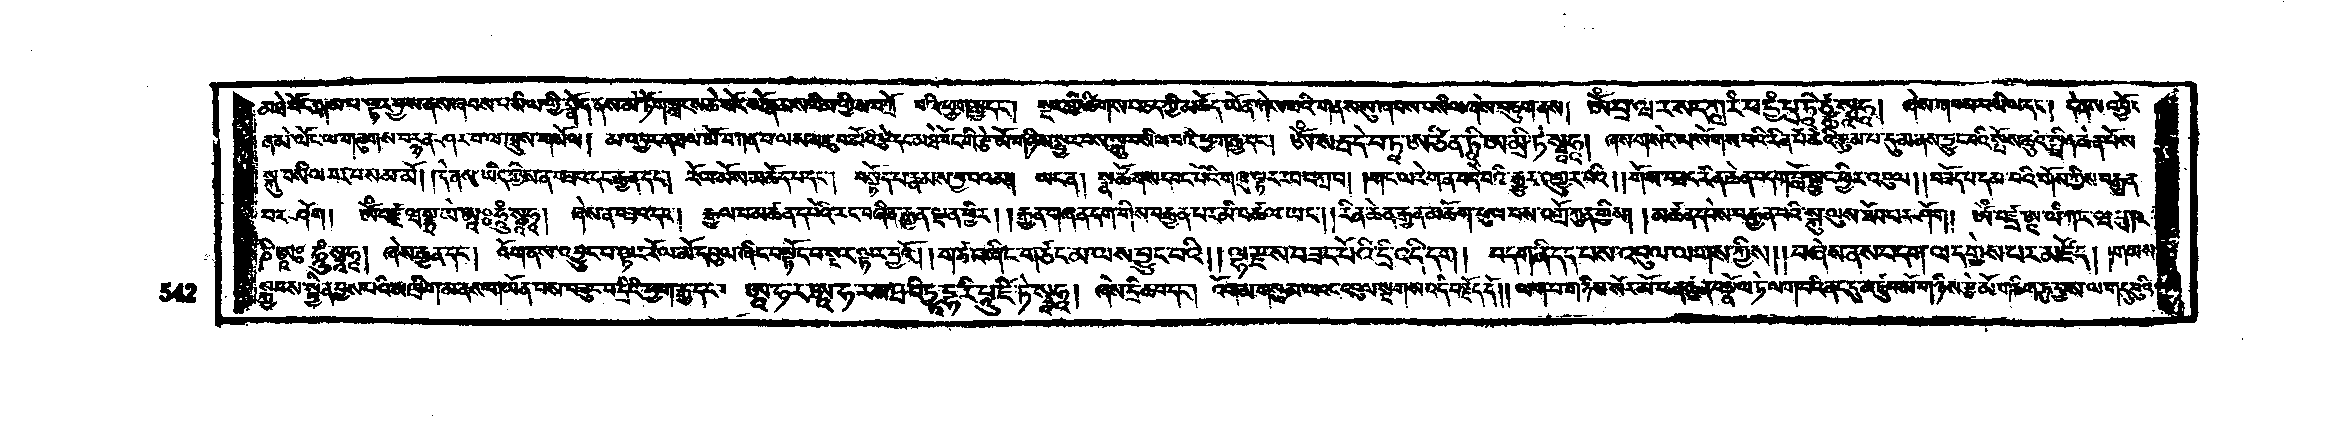མཐོ་བོང་སྐམ་པ་ལྟར་བྱས་ནས་ཞབས་བསིལ་གྱི་སྣོད་ནས་མེ་ཏོག་བླངས་ཏེ་སོར་མོ་རྣམས་རིམ་གྱིས་བཀྲོལ་བའི་ཕྱག་རྒྱ་དང་། སྔར་གྱི་ཚིགས་བཅད་ཀྱི་མཆོད་ཡོན་ཞེས་པའི་གནས་སུ་ཞབས་བསིལ་ཞེས་བཅུག་ནས། ཨོཾ་པྲ་ཝ་ར་སད་ཀླ་རཾ་པ་དྱཾ་པྲ་ཏཱི་ཙྪ་སྭཱ་ཧཱ། ཞེས་ཞབས་བསིལ་དང་། དེ་ནས་འབྱོར་
ན་མེ་ལོང་ལ་གཟུགས་བརྙན་ཤར་བ་ལ་ཁྲུས་གསོལ། མ་འབྱོར་ན་ཐལ་མོ་བརྐན་པ་ལས་མཛུབ་མོའི་རྩེ་དང་མཐེ་བོང་གི་རྩེ་མོ་གཉིས་སྦྱར་བས་སྐུ་བསིལ་བའི་ཕྱག་རྒྱ་དང་།ཨོཾ་སརྦ་དེ་བ་ཏཱ་ཨ་ཙིན་ཏཱི་ཨ་མྲི་ཏེ་སྭཱ་ཧཱ། ཞས་གསེར་ལ་སོགས་པའི་རིན་པོ་ཆེའི་བུམ་པ་དུམ་ནས་བྱུང་བའི་སྤོས་ཆུའི་སྤྲིན་ཆེན་པོས་
སྐུ་བསིལ་བར་བསམ་མོ། །དེ་ནས་ཡིད་ཀྱིས་ན་བཟའ་དང་རྒྱན་དང་། རོལ་མོས་མཆོད་པ་དང་། བསྟོད་པ་རྣམས་བྱ་བའམ། ཡང་ན། སྣ་ཚོགས་དབང་པོའི་གཞུ་ལྟར་རབ་བཀྲ་བ། །གང་ལ་རེག་ན་བདེ་བའི་རྒྱུར་འགྱུར་བའི། །གོས་བཟང་རིན་ཆེན་བདག་བློ་སྦྱང་ཕྱིར་འབུལ། །བཟོད་པ་ཅམ་པའི་གོས་ཀྱིས་བརྒྱན་
པར་ཤོག། ཨོཾ་བཛྲ་ཝ་སྟྲ་ཡེ་ཨཱ་H ཧཱུཾ་སྭཱ་ཧཱ། ཞེས་ན་བཟའ་དང་། རྒྱལ་བ་མཚན་དཔེའི་རང་བཞིན་རྒྱན་ལྡན་ཕྱིར། །རྒྱན་གཞན་དག་གིས་བརྒྱན་པར་མི་འཚལ་ཡང་། །རིན་ཆེན་རྒྱན་མཆོག་ཕུལ་བས་འགྲོ་ཀུན་གྱིས། །མཚན་དཔེས་བརྒྱན་པའི་སྐུ་ལུས་ཐོབ་པར་ཤོག །ཨོཾ་བཛྲ་ཨཱ་ལཾ་ཀ་ར་ཝ་པུ་ཥ་
ཎི་ཨཱ་H ཧཱུཾ་སྭཱ་ཧཱ། ཞེས་རྒྱན་དང་། འོག་ནས་འབྱུང་བ་ལྟར་རོལ་མོ་དབུལ་ཞིང་བསྟོད་པ་སྔར་ལྟར་བྱའོ། །གཙང་ཞིང་གཙང་མ་ལས་བྱུང་བའི། །ལྷ་རྫས་བཟང་པོའི་དྲི་འདི་དག །བདག་ནི་དད་པས་འབུལ་ལགས་ཀྱིས། །བཞེས་ནས་བདག་ལར་གྱེས་པར་མཛོད། །གཡས་
སྐྱབས་སྦྱིན་བྱས་པའི་མཁྲིག་མ་ནས་གཡོན་པས་བཟུང་བ་དྲིའི་ཕྱག་རྒྱ་དང་། ཨཱ་ཧ་ར་ཨཱ་ཧ་ར་སརྦ་བིདྷྱཱ་དྷརི་པཱུ་ཛི་ཏེ་སྭཱ་ཧཱ། ཞེས་དྲི་ཆབ་དང་། འོག་མ་གསུམ་ལའང་འབུལ་སྔགས་འདི་བརྗོད་དོ། །ལག་པ་གཉིས་སོར་མོ་ཕན་ཚུན་བསྣོལ་ཏེ་ལག་པའི་ནང་དུ་མཛུབ་མོ་གཉིས་རྩེ་མོ་གཅིག་ཏུ་བྱས་ལ་གདུ་བུའི་